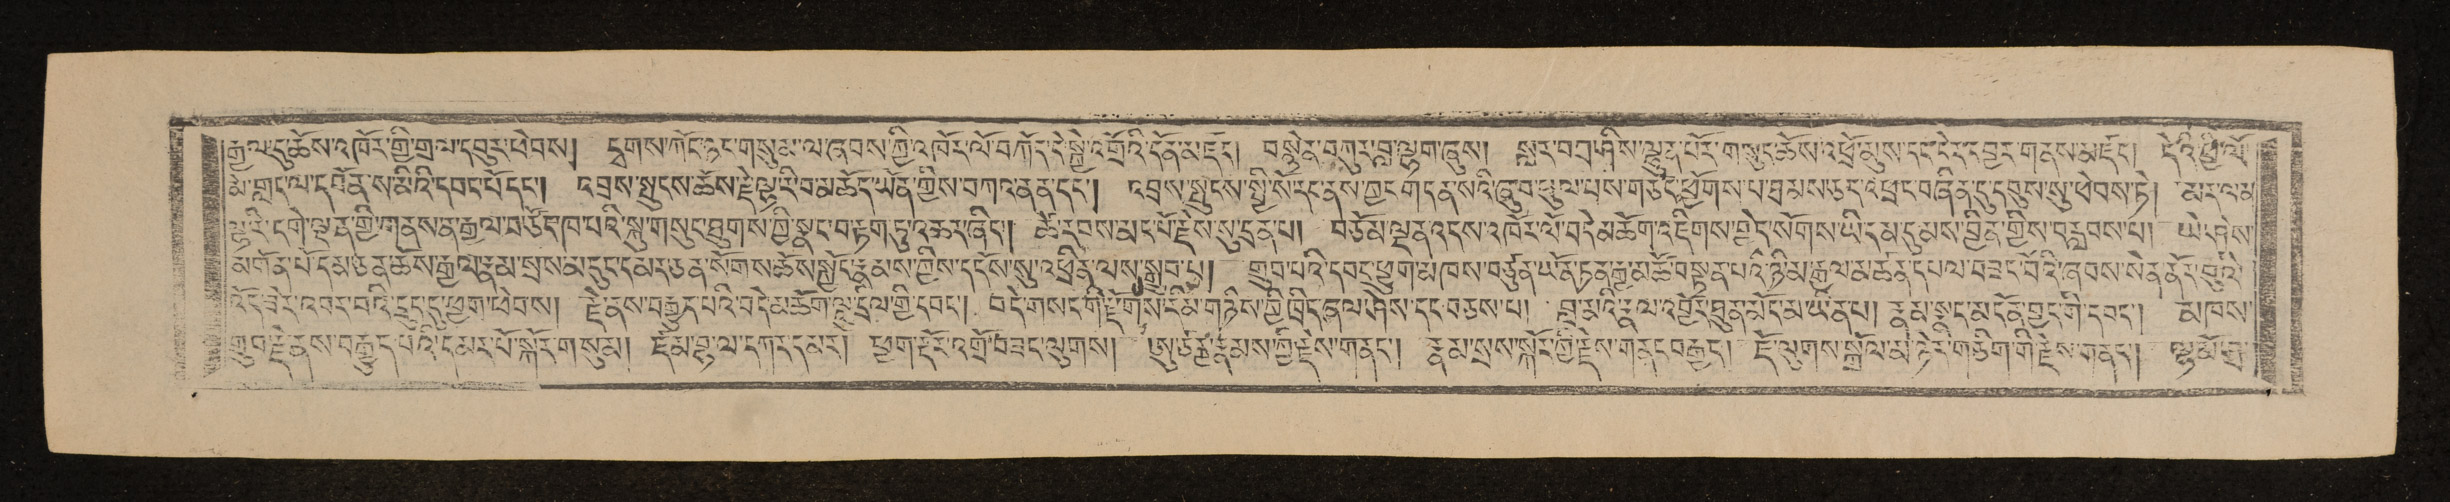རྒྱལ་དུ་ཆོས་འཁོར་གྱི་གྲལ་དབུར་ཕེབས་དྭགས་ཀོང་ཉང་གསུམ་ལ་ཞབས་ཀྱི་འཁོར་ལོ་བཀོད་དེ་སྐྱེ་འགྲོའི་དོན་མཛད། བསྙེན་བཀུར་བླ་ལྷག་ཞུས། སླར་བཀྲ་ཤིས་ལྷུན་པོར་གསུང་ཆོས་འཕྲོ་མུས་དང་དེར་དབྱར་གནས་མཛད། དེའི་ཕྱི་ལོ་
མེ་གླང་ལ་དཔོན་ས་མིའི་དབང་པོ་དང་། འབྲས་སྤུངས་ཆོས་རྗེ་ལྷ་རིབ་མཆོད་ཡོན་གྱིས་བཀའ་ནན་དང་། འབྲས་སྤུངས་སྤྱི་སོ་རང་ནས་ཀྱང་གདན་སའི་ཞུ་བ་ཕུལ་བས་གཙང་ཕྱོགས་པ་ཐམས་ཅད་འཕྲང་བཞིན་དུ་དབུས་སུ་ཕེབས་ཏེ། མར་ལམ་
ལྷ་རི་དགེ་ལྡན་གྱི་གནས་ན་རྒྱལ་བ་ཙོང་ཁ་པའི་སྐུ་གསུང་ཐུགས་ཀྱི་སྣང་བ་རྟག་ཏུ་འཆར་ཞིང་། ཚེ་རབས་མང་པོ་རྗེས་སུ་དྲན་པ། བཅོམ་ལྡན་འདས་འཁོར་ལོ་བདེ་མཆོག་འཇིགས་བྱེད་སོགས་ཡི་དམ་དུ་མས་བྱིན་གྱིས་བརླབས་པ། ཡེ་ཤེས་
མགོན་པོ་དམ་ཅན་ཆོས་རྒྱལ་རྣམ་སྲས་མདུང་དམར་ཅན་སོགས་ཆོས་སྐྱོང་རྣམས་ཀྱིས་དངོས་སུ་འཕྲིན་ལས་སྒྲུབ་པ། གྲུབ་པའི་དབང་ཕྱུག་མཁས་བཙུན་ཡོན་ཏན་རྒྱ་མཚོ་བསྟན་པའི་ཉི་མ་རྒྱལ་མཚན་དཔལ་བཟང་པོའི་ཞབས་སེན་ནོར་བུའི་
འོད་ཟེར་འབར་བའི་དྲུང་དུ་ཕྱག་ཕེབས། རྗེ་ནས་བརྒྱུད་པའི་བདེ་མཆོག་ལཱུ་དྲིལ་གྱི་དབང་། བདེ་གསང་གི་རྫོགས་རིམ་གཉིས་ཀྱི་ཁྲིད་ཞལ་ཤེས་དང་བཅས་པ། བླ་མའི་རྣལ་འབྱོར་ཐུན་མོང་མ་ཡིན་པ། རྣམ་སྣང་མངོན་བྱང་གི་དབང་། མཁས་
གྲུབ་རྗེ་ནས་བརྒྱུད་པའི་དམར་པོ་སྐོར་གསུམ། ཛམ་བྷ་ལ་དཀར་དམར། ཕྱག་རྡོར་འགྲོ་བཟང་ལུགས། ཨུ་ཙརྱ་རྣམས་ཀྱི་རྗེས་གནང་། རྣམ་སྲས་སྐོར་ཀྱི་རྗེས་གནང་བརྒྱད། ཇོ་ལུགས་སྒྲོལ་མ་ཉེར་གཅིག་གི་རྗེས་གནང་། ལྷ་མོ་ཤྲ་